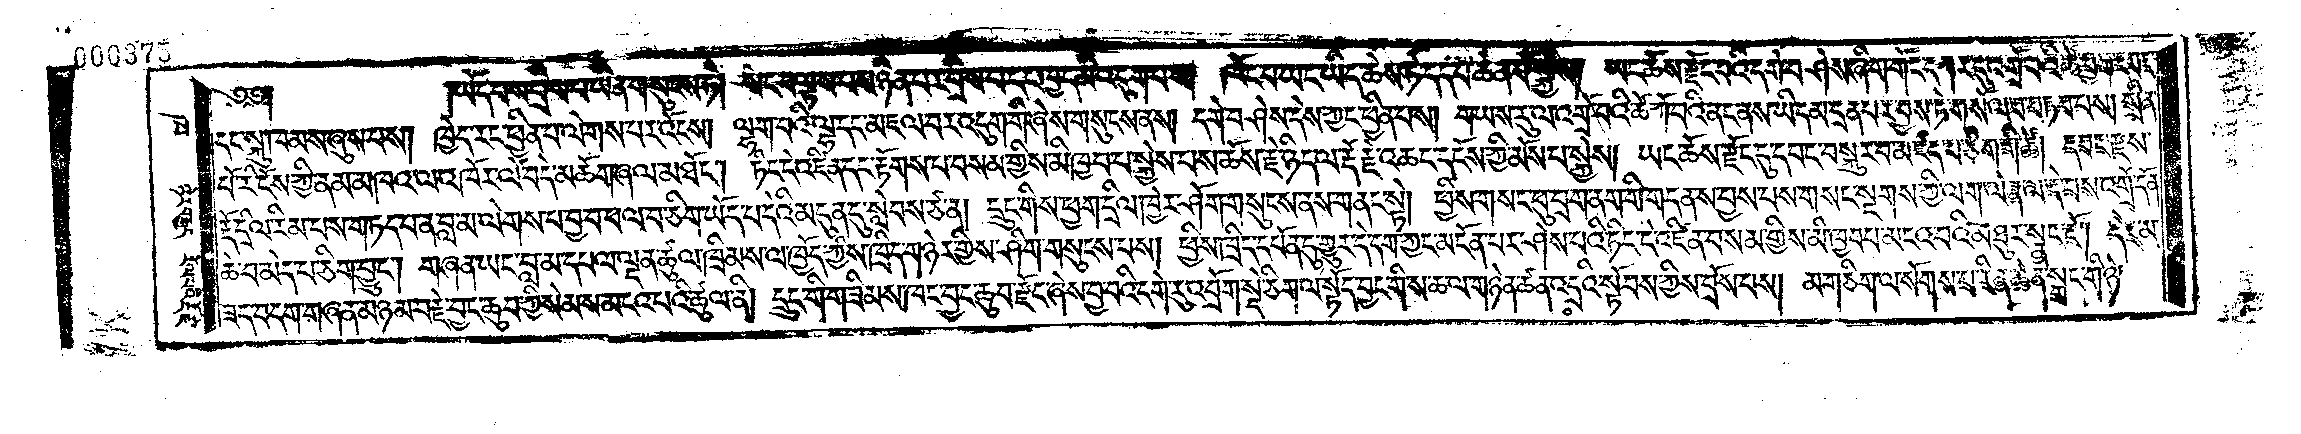༄༅། །ཡོད་པས་བྲིས་པ་ཡིན་གསུངས་ཏེ། སང་བ་ལྟས་པས་ཉིན་པར་བྲིས་པ་དང་ཁྱད་མི་འདུག་པས། ཁོང་པ་ཡང་ཡིད་ཆེས་ཏེ་དད་པ་ཆེན་པོ་སྐྱེས། ཡང་ཆོས་རྫོང་པའི་དགེ་བཤེས་ཞིག་གོང་དཀར་དུ་འགྲོ་བའི་ཚེ་ཕྱག་དབང་
དང་སྐུ་ཁམས་ཞུས་པས། ཁྱེད་རང་ཕྱིན་པ་ལེགས་པར་འོངས། ལྷག་པའི་ལྷ་དང་མཇལ་བར་འདུག་གི་ཞེས་གསུངས་ནས། དགེ་བཤེས་དེས་ཀྱང་ཕྱིན་པས། གཡས་རུ་ལ་འགྲོ་བའི་ཚེ་ཀོ་བའི་ནང་ནས་ཡི་དམ་དྲན་པར་བྱས་ཏེ་གསོལ་བ་བཏབ་པས། སྲིན་
པོ་རི་ངོས་ཀྱི་ནམ་མཁའ་ལ་འཁོར་ལོ་བདེ་མཆོག་ཞལ་མཐོང་། ཏིང་ངེ་འཛིན་དང་རྟོགས་པ་བསམ་གྱིས་མི་ཁྱབ་པ་སྐྱེས་པས་ཆོས་རྗེ་ཉིད་ལ་རྡོ་རྗེ་འཆང་དངོས་ཀྱི་མོས་པ་སྐྱེས། ཡང་ཆོས་རྫོང་དུ་དབང་བསྐུར་བ་མཛད་པ་ཅིག་གི་ཚེ། དབང་རྫས་
རྡོ་དྲིལ་རིམ་པས་གཏད་པ་ན་བླ་མ་ལེགས་པ་བྱ་བ་ཕལ་བ་ཅིག་ཡོད་པ་དེའི་མདུན་དུ་སླེབས་ཙ་ན། དྲུང་གིས་ཕྱག་དྲིལ་ཁྱེར་ཤོག་གསུངས་ནས་གནང་སྟེ། ཕྱིས་གསང་ཕུ་བྲག་ནག་གི་གདན་ས་བྱས་པས་གསང་སྔགས་ཀྱི་ལག་ལེན་ལ་དེ་བས་འགྲོ་དོན་
ཆེ་བ་མེད་པ་ཅིག་བྱུང་། གཞན་ཡང་བླ་མ་དཔལ་ལྡན་ཚུལ་ཁྲིམས་ལ་ཁྱོད་ཀྱིས་ཁྲིད་གཉེར་གྱིས་ཤིག་གསུངས་པས། ཕྱིས་ཁྲིད་དཔོན་དུ་གྱུར་དེ་དག་ཀྱང་མངོན་པར་ཤེས་པའི་ཏིང་ངེ་འཛིན་བསམ་གྱིས་མི་ཁྱབ་པ་མངའ་བའི་མཐུར་སྣང་ངོ། དེར་མ་
ཟད་བདག་གཞན་མཉམ་བརྗེ་བྱང་ཆུབ་ཀྱི་སེམས་མངའ་པའི་ཚུལ་ནི། དྲུང་གི་གཟིམས་ཁང་བྱང་ཆུབ་རྫོང་ཞེས་བྱ་བའི་དགེ་རུ་འབྲོག་སྡེ་ཅིག་ལ་སྟོད་བྱང་གིས་ཆ་ལ་གཉེན་ཚན་འདྲའི་སྟོབས་ཀྱིས་བྲོས་པས། མ་གཅིག་ལ་སོགས་པ་རིན་ཆེན་སྒོ་གི་ཉེ་